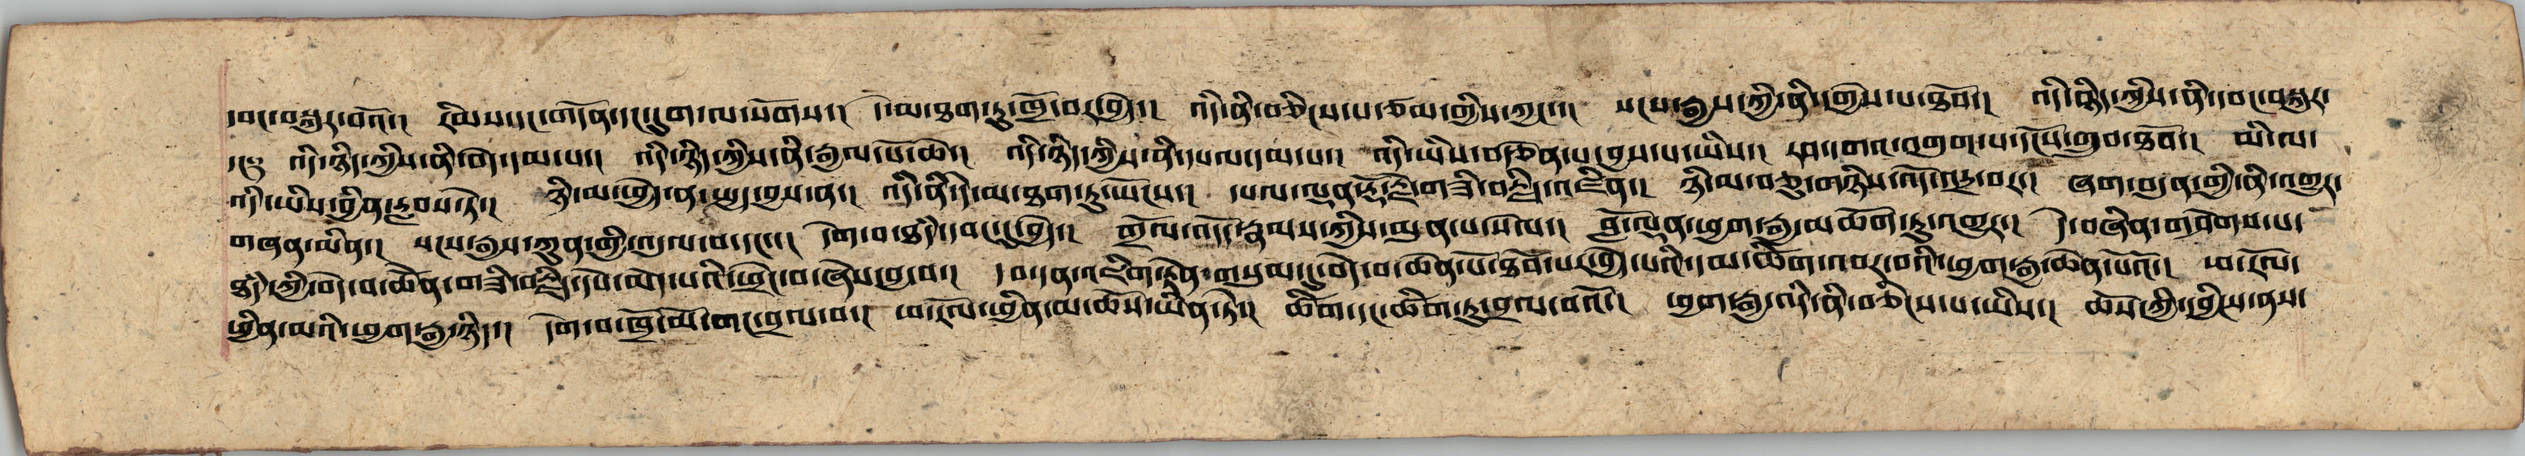དབང་བསྐུར་བའོ་། རིམས་དང་གདོན་དང་དུག་ལ་སོགས་། དེ་མ་ཐག་ཏུ་ཁྲོ་བར་བྱེད་། འདི་ནི་བཅིངས་པ་ཙམ་གྱིས་ཀྱང་་། སངས་རྒྱས་ཀྱི་ནི་དགྱེས་པ་ཐོབ་། འདི་ཉིད་ཀྱིས་ནི་དབང་བསྐུར་
དང༑ འདི་ཉིད་ཀྱིས་ནི་བདེ་དམ་པ་། འདི་ཉིད་ཀྱིས་ནི་རྒྱལ་པོ་ཆེ་། འདི་ཉིད་ཀྱིས་ནི་དཔལ་དམ་པ་། འདི་ཡིས་བརྩེན་པ་བྱས་པ་ཡིས་། རབ་དགའ་འགུག་པ་དངོས་གྲུབ་ཐོབ་། མི་ལ་
འདི་ཡིས་བྱིན་རླབས་ཏེ་། ཉི་མ་ཕྱེད་ན་སྤྱད་བྱས་ན་། འདི་ནི་དེ་མ་ཐག་ཏུ་ཡོངས་། དཔལ་ལྡན་རྡོ་རྗེ་གཟི་བརྗིད་འཛིན་། ཉི་མ་བཅུ་གཉིས་འོད་འདྲ་བར་། ཞག་བདུན་གྱི་ནི་འགྱུར་
གཞན་མིན་། སངས་རྒྱས་ཀུན་གྱི་འདུལ་བ་དང་་། དེག་པ་ཐཾད་དབང་དུ་བྱེད་། གྲོལ་འདོད་རྣམས་ཀྱིས་མུན་པ་སེལ་། བློ་ལྡན་ཕྱག་རྒྱ་མཆོག་ཏུ་འགྱུར་། དེ་བཞིན་གཤེགས་པ་
ཐཾད་ཀྱི་བདེ་བ་ཆེནོ་གཟི་བརྗིད་དཔེ་མེད་པའི་ཕྲེང་བ་ཞེས་བྱ་བ་། དབ་དན་འཇིག་རྟེན་གསུམ་དུ་བདེ་བ་ཆེན་པོ་ཐོབ་པར་བྱེད་པའི་དམ་ཚིག་འབར་བའི་ཕྱག་རྒྱ་ཆེན་པོའོ་། ཕ་རོལ་
ཕྱིན་མའི་ཕྱག་རྒྱ་ཉིད་། དགེ་བ་ཁྲོ་མོ་གང་་བྲལ་བ་། ཕ་རོལ་ཕྱིན་མ་ཆོས་ཡིན་ཏེ་། ཚིག་དང་ཚིག་ཏུ་བྲལ་བའོ་། ཕྱག་རྒྱ་འདི་ནི་བཅིངས་པ་ཡིས་། ཆོས་ཀྱི་དབྱིངས་ནས་